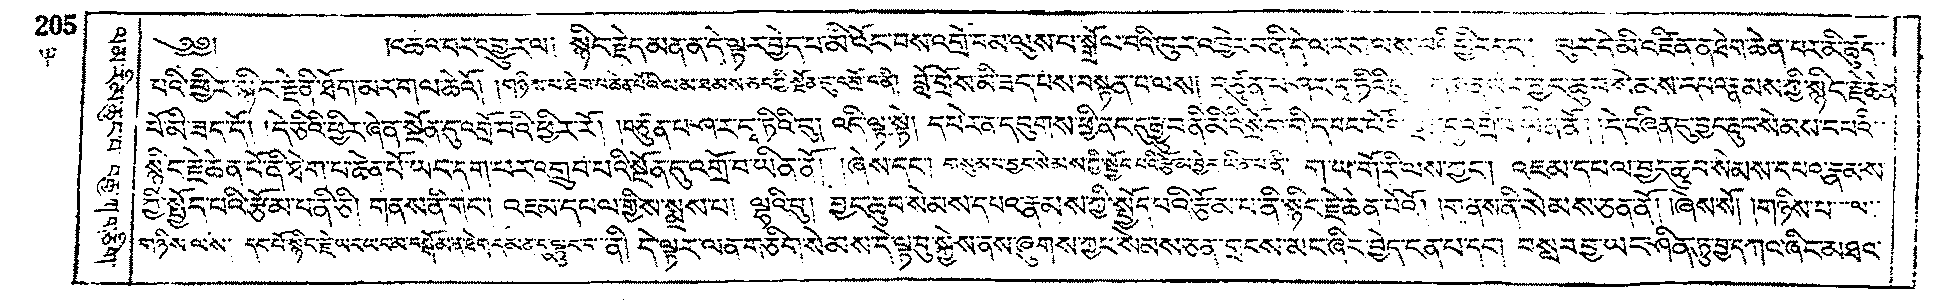༄༅། །འཆའ་བར་འགྱུར་ལ། སྙིང་རྗེ་དམན་ན་དེ་ལྟར་བྱེད་པ་མི་འོང་བས་འགྲོ་བ་མ་ལུས་པ་སྒྲོལ་བའི་ཁུར་འཁྱེར་བ་ནི་དེ་ལ་རག་ལས་པའི་ཕྱིར་དང་། ཁུར་དེ་མི་འཛིན་ན་ཐེག་ཆེན་པར་མི་ཚུད་
པའི་ཕྱིར་སྙིང་རྗེ་ནི་ཐོག་མར་གལ་ཆེའོ། །གཉིས་པ་ཐེག་པ་ཆེན་པོའི་ལམ་ཐམས་ཅད་ཀྱི་སྔོན་དུ་འགྲོ་བ་ནི།  བློ་གྲོས་མི་ཟད་པས་བསྟན་པ་ལས། བཙུན་པ་ཤར་དྭ་ཏིའི་བུ། གཞན་ཡང་བྱང་ཆུབ་སེམས་དཔའ་རྣམས་ཀྱི་སྙིང་རྗེ་ཆེན་
པོ་མི་ཟད་དོ། །དེ་ཅིའི་ཕྱིར་ཞེ་ན་སྔོན་དུ་འགྲོ་བའི་ཕྱིར་རོ། །བཙུན་པ་ཤ་ར་དྭ་ཏིའི་བུ། འདི་ལྟ་སྟེ། དཔེར་ན་དབུགས་ཕྱི་ནང་དུ་རྒྱུ་བ་ནི་མིའི་སྲོག་གི་དབང་པོའི་སྔོན་དུ་འགྲོ་བ་ཡིན་ནོ། །དེ་བཞིན་དུ་བྱང་ཆུབ་སེམས་དཔའི་
སྙིང་རྗེ་ཆེན་པོ་ནི་ཐེག་པ་ཆེན་པོ་ཡང་དག་པར་འགྲུབ་པའི་སྔོན་དུ་འགྲོ་བ་ཡིན་ནོ། །ཞེས་དང་། གསུམ་པ་བྱང་སེམས་ཀྱི་སྤྱོད་པའི་རྩོམ་བྱེད་ཡིན་པ་ནི།  ག་ཡ་གོ་རི་ལས་ཀྱང་། འཇམ་དཔལ་བྱང་ཆུབ་སེམས་དཔའ་རྣམས་
ཀྱི་སྤྱོད་པའི་རྩོམ་པ་ནི་ཅི། གནས་ནི་གང་། འཇམ་དཔལ་གྱིས་སྨྲས་པ། ལྷའི་བུ། བྱང་ཆུབ་སེམས་དཔའ་རྣམས་ཀྱི་སྤྱོད་པའི་རྩོམ་པ་ནི་སྙིང་རྗེ་ཆེན་པོའོ། །གནས་ནི་སེམས་ཅན་ནོ། །ཞེས་སོ། །གཉིས་པལ་
གཉིས་ལས། དང་པོ་སྙིང་རྗེ་ཡང་ཡང་མ་བསྒོམ་ན་ཐེག་དམན་དུ་ལྟུང་བནི། དེ་ལྟར་ལན་གཅིག་སེམས་དེ་ལྟ་བུ་སྐྱེས་ནས་ཞུགས་ཀྱང་སེམས་ཅན་གྲངས་མང་ཞིང་བྱེད་ངན་པ་དང་། བསླབ་བྱ་ཡང་ཤིན་ཏུ་བྱ་དཀའ་ཞིང་མཐའ་